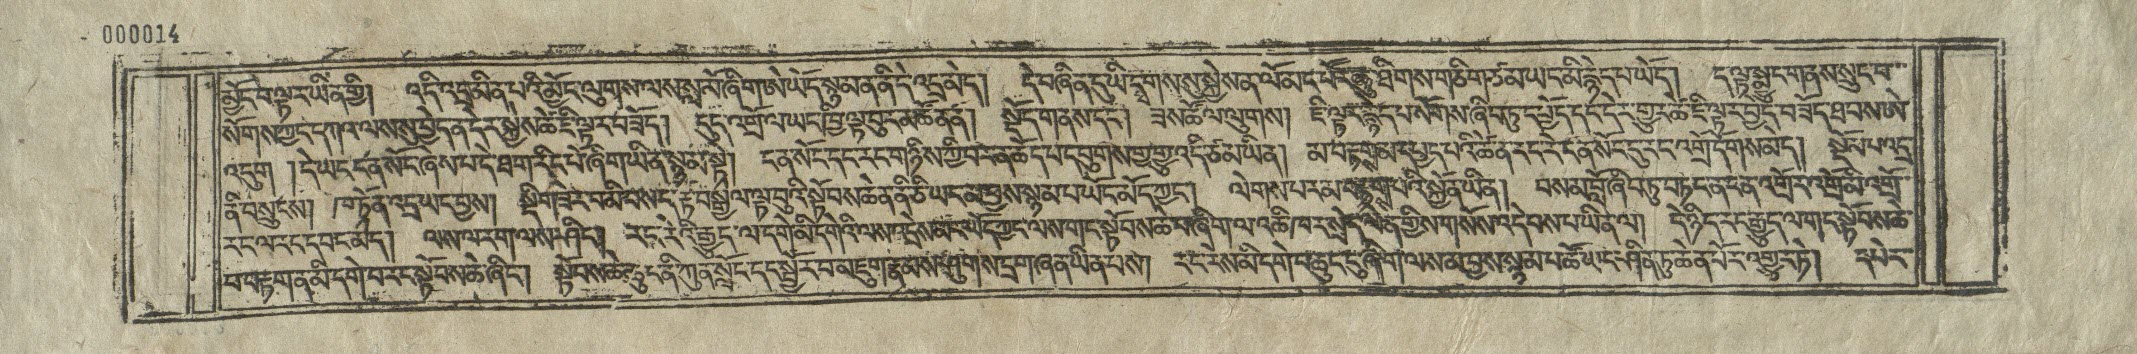མྱོང་བ་ལྟར་ཡིན་གྱི། འདི་འདྲ་མིན་པའི་མྱོང་ལུགས་ལས་སླ་མོ་ཞིག་ཨེ་ཡོད་སྙམ་ན་ནི་དེ་འདྲ་མེད། དེ་བཞིན་དུ་ཡི་དྭགས་སུ་སྐྱེས་ན་ལོ་མང་པོར་ཆུ་ཐིགས་གཅིག་ཙམ་ཡང་མི་རྙེད་པ་ཡོད། ད་ལྟ་སྨྱུང་གནས་སྲུང་བ་
སོགས་ཀྱང་དཀའ་ལས་སུ་བྱེད་ན་དེར་སྐྱེས་ཚེ་ཇི་ལྟར་བཟོད། དུད་འགྲོ་ལ་ཡང་ཁྱི་ལྟ་བུར་མཚོན་ན། སྡོད་གནས་དང་། ཟས་ཚོལ་ལུགས། ཇི་ལྟར་རྙེད་པ་སོགས་ཞིབ་ཏུ་དཔྱོད་དང་དེར་གྱུར་ཚེ་ཇི་ལྟར་བྱེད་བཟོད་ཐབས་ཨེ་
འདུག །དེ་ཡང་ངན་སོང་ཞེས་པ་དེ་ཐག་རིང་པོ་ཞིག་ཡིན་སྙམ་སྟེ། ངན་སོང་དང་རང་གཉིས་ཀྱི་བར་ན་ཆོད་པ་དབུགས་གྱ་གྱུ་འདི་ཙམ་ཡིན། མ་བརྟགས་མ་དཔྱད་པའི་ཚེ་ན་རང་རེ་ངན་སོང་དུ་རང་འགྲོ་དོགས་མེད། སྡོམ་པ་འདྲ་
ནི་བསྲུངས། ཁ་ཏོན་འདྲ་ཡང་བྱས། སྡིག་ཟེར་བ་མི་བསད་རྟ་བསྒྱེལ་ལྟ་བུའི་སྟོབས་ཆེན་ནི་ཅི་ཡང་མ་བྱས་སྙམ་པ་ཡོད་མོད་ཀྱང་། ལེགས་པར་མ་བརྟགས་པའི་སྐྱོན་ཡིན། བསམ་བློ་ཞིབ་ཏུ་བཏང་ན་ངན་འགྲོར་འགྲོ་མི་འགྲོ་
རང་ལ་རང་དབང་མེད། ལས་ལ་རག་ལས་ཤིང་། རང་རེའི་རྒྱུད་ལ་དགེ་མི་དགེའི་ལས་འདྲེས་མར་ཡོད་ཀྱང་ལས་གང་སྟོབས་ཆེ་བ་ཞིག་ལ་འཆི་ཁར་སྲེད་ལེན་གྱིས་གསོས་འདེབས་པ་ཡིན་ལ། དེ་ཉིད་རང་རྒྱུད་ལ་གང་སྟོབས་ཆེ་
བ་བརྟག་ན་མི་དགེ་བ་རང་སྟོབས་ཆེ་ཞིང་། སྟོབས་ཆེ་ཆུང་ནི་ཀུན་སློང་དང་སྦྱོར་བ་མཇུག་རྣམས་ཤུགས་དྲག་ཞན་ཡིན་པས། རང་རེས་མི་དགེ་བ་ཆུང་ངུ་ཞིག་ལས་མ་བྱས་སྙམ་པ་ཚོ་ཡང་ཤིན་ཏུ་ཆེན་པོར་འགྱུར་ཏེ། དཔེར་